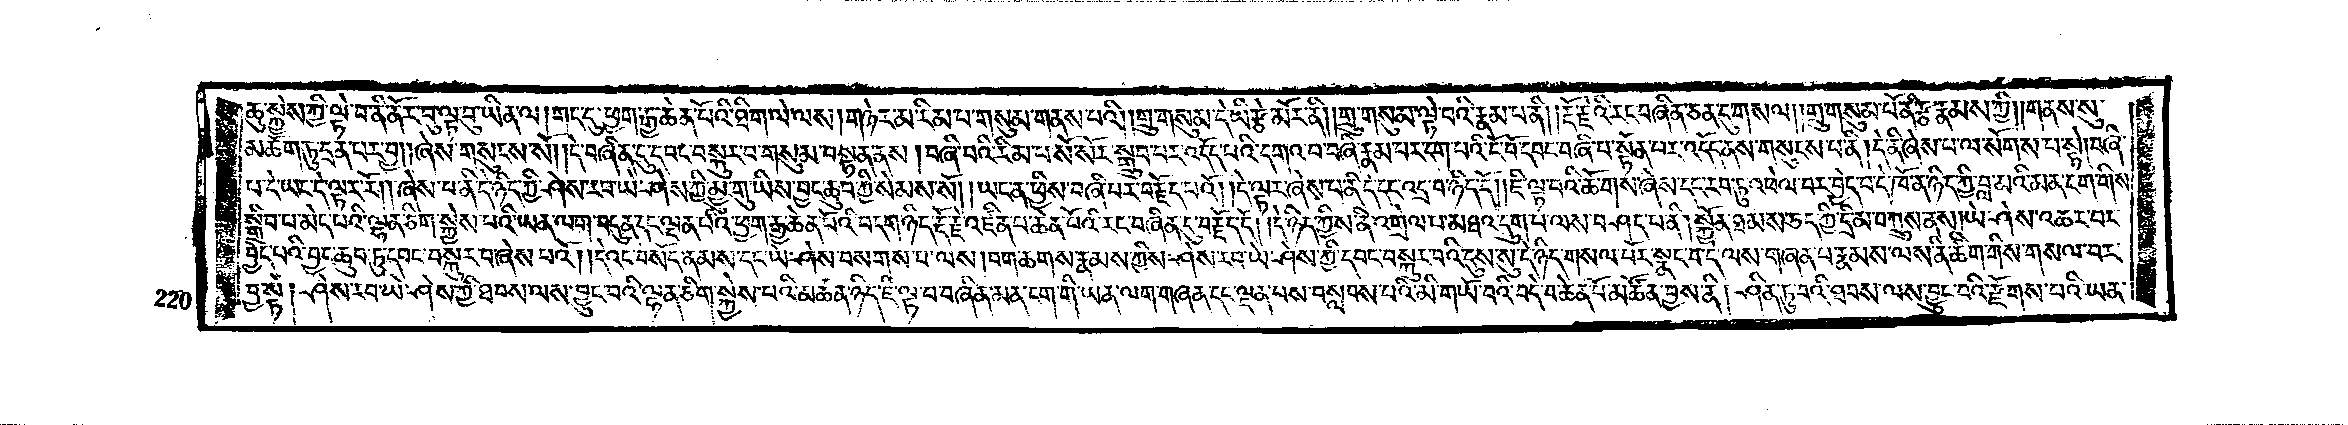ཆུ་སྐྱེས་ཀྱི་ལྟེ་བ་ནི་ནོར་བུ་ལྟ་བུ་ཡིན་ལ། གང་དུ་ཕྱག་རྒྱ་ཆེན་པོའི་ཐིག་ལེ་ལས། གཉེར་མ་རིམ་པ་གསུམ་གནས་པའི། །གྲུ་གསུམ་དེ་ཡི་རྩེ་མོར་ནི། །གྲུ་གསུམ་ལྟེ་བའི་རྣམ་པ་ནི། །རྡོ་རྗེའི་རང་བཞིན་ཅན་དུ་གསལ། །གྲུ་གསུམ་པོ་ནི་རྩ་རྣམས་ཀྱི། །གནས་སུ་
མཆོག་ཏུ་དྲན་པར་བྱ། །ཞེས་གསུངས་སོ། །དེ་བཞིན་དུ་དབང་བསྐུར་བ་གསུམ་བསྟན་ནས། བཞི་པའི་རིམ་པ་སོ་སོར་སྒྲུབ་པར་འདོད་པའི་དགའ་བ་བཞི་རྣམ་པར་དག་པའི་ངོ་བོ་དབང་བཞི་པ་སྟོན་པར་འདོད་ནས་གསུངས་པ་ནི། དེ་ནི་ཞེས་པ་ལ་སོགས་པ་སྟེ། བཞི་
པ་དེ་ཡང་དེ་ལྟར་རོ། །ཞེས་པ་ནི་དེ་ཉིད་ཀྱི་ཤེས་རབ་ཡེ་ཤེས་ཀྱི་མྱུ་གུ་ཡིས་བྱང་ཆུབ་ཀྱི་སེམས་སོ། །ཡང་ན་ཕྱིས་བཞི་པར་བརྗོད་པའོ། །དེ་ལྟར་ཞེས་པ་ནི་དེ་དང་འདྲ་བ་ཉིད་དོ། །ཇི་ལྟ་བའི་ཆོ་གས་ཞེས་དང་རབ་ཏུ་འཕེལ་བར་བྱེད་པ་དེ་ཁོ་ན་ཉིད་ཀྱི་བླ་མའི་མན་ངག་གིས་
སྒྲིབ་པ་མེད་པའི་ལྷན་ཅིག་སྐྱེས་པའི་ཡན་ལག་བདུན་དང་ལྡན་པའི་ཕྱག་རྒྱ་ཆེན་པོའི་བདག་ཉིད་རྡོ་རྗེ་འཛིན་པ་ཆེན་པོའི་རང་བཞིན་དུ་བརྗོད་དོ། །དེ་ཉིད་ཀྱིས་ནི་འགྲེལ་པ་མཐའ་དྲུག་པ་ལས་བཤད་པ་ནི། སྐྱོན་ཐམས་ཅད་ཀྱི་དྲི་མ་བཀྲུས་ནས། ཡེ་ཤེས་འཆར་བར་
བྱེད་པའི་བྱང་ཆུབ་ཏུ་དབང་བསྐུར་བ་ཞེས་པའོ། །དེའང་བསོད་ནམས་དང་ཡེ་ཤེས་བསགས་པ་ལས། བག་ཆགས་རྣམས་ཀྱིས་ཤེས་རབ་ཡེ་ཤེས་ཀྱི་དབང་བསྐུར་བའི་དུས་སུ་དེ་ཉིད་གསལ་པོར་སྣང་བ་དེ་ལས་གཞན་པ་རྣམས་ལས་ནི་ཚིག་གིས་གསལ་བར་
བྱ་སྟེ། ཤེས་རབ་ཡེ་ཤེས་ཀྱི་ཐབས་ལས་བྱུང་བའི་ལྷན་ཅིག་སྐྱེས་པའི་མཚན་ཉིད་ཇི་ལྟ་བ་བཞིན་མན་ངག་གི་ཡན་ལག་གཞན་དང་ལྡན་པས་བསླབས་པའི་མི་གཡོ་བའི་བདེ་བ་ཆེན་པོ་མཚོན་བྱས་ནི། ཤིན་ཏུ་བའི་ཐབས་ལས་བྱུང་བའི་རྫོགས་པའི་ཡན་